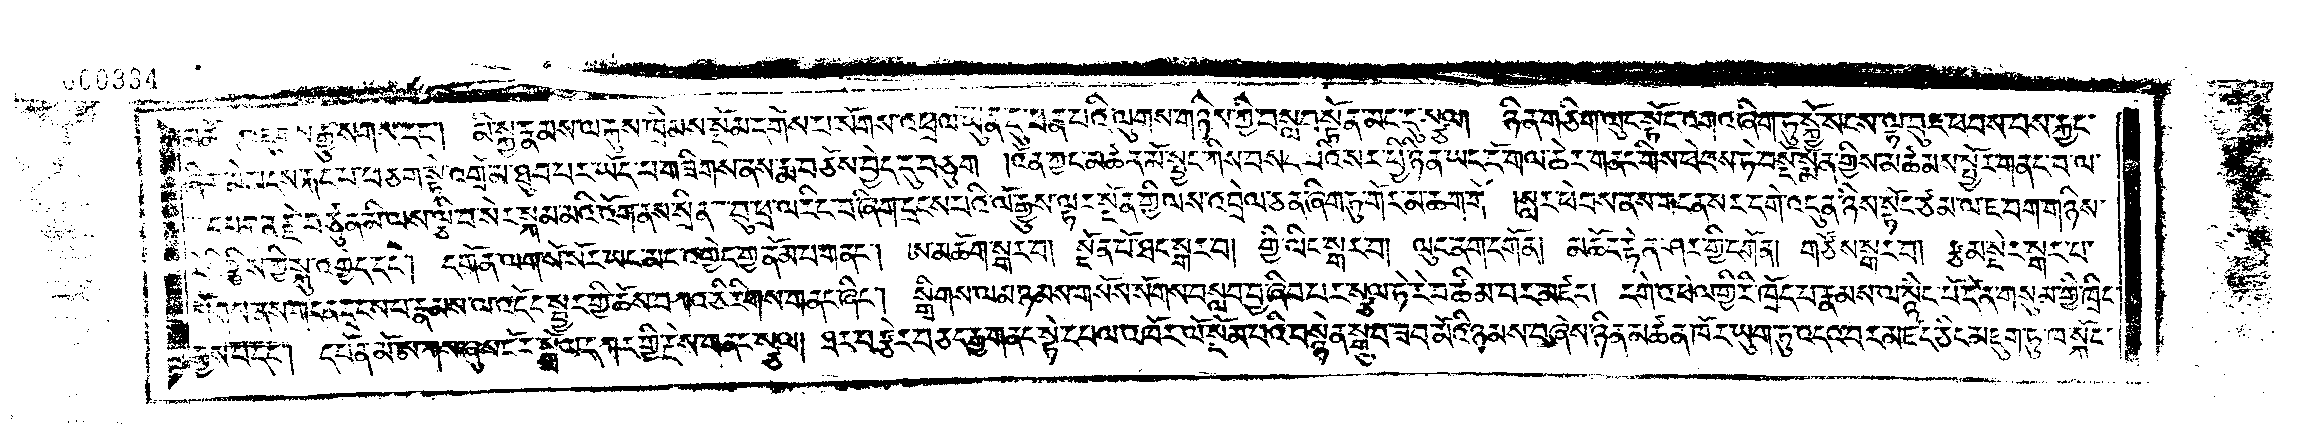མཆོད་འཛུགས་རྒྱུ་སོགས་དང་། མི་སྐྱ་རྣམས་ལ་རྐུས་ཁྲིམས་སྔོམ་དགོས་པ་སོགས་འཕྲལ་ཡུན་དུ་ཕན་པའི་ལུགས་གཉིས་ཀྱི་བསླབ་སྟོན་མང་དུ་སྩལ། ཉིན་གཅིག་ལུང་སྟོང་འགའ་ཞིག་ཏུ་སྐྱོ་སངས་ལྟ་བུར་ཕབས་པས་རྐྱང་
ཞིག་མེ་མདས་རྐང་པ་བཅག་སྟེ་འགྲོ་མ་ཐུབ་པར་ཡོད་པ་གཟིགས་ནས་རྨ་བཅོས་བྱེད་དུ་བཅུག །འོན་ཀྱང་མཚན་མོ་སྤྱང་ཀིས་བསང་པའི་སར་ཕྱི་ཉིན་ཡང་ངོ་གལ་ཆེར་གནང་གིས་ཕེབས་ཏེ་བསྔོ་སྨོན་གྱིས་མཚམས་སྦྱོར་གནང་བ་ལ་
དཔག་ན་རྗེ་བཙུན་མི་ལས་ལྕི་བ་སེར་སྐམ་མའི་འོག་ནས་སྲིན་བུ་ཕྲ་ལ་རིང་བ་ཞིག་དྲངས་པའི་ལོ་རྒྱུས་ལྟར་སྔོན་གྱི་ལས་འབྲེལ་ཅན་ཞིག་ཏུ་གོར་མ་ཆག་གོ །སླར་ཕེབས་ནས་གདན་སར་དགེ་འདུན་ཉིས་སྟོང་ཙམ་ལ་ཇ་བག་གཉིས་
རེའི་རྩིས་ཀྱི་སྐུ་འགྱེད་དང་། དགོན་ལག་སོ་སོར་ཡང་མང་འགྱེད་གྱ་ནོམ་པ་གནང་། ཨ་མཆོག་སྒར་བ། སྔོན་པོ་ཐང་སྒར་བ། གྱི་ལིང་སྒར་བ། ལུང་ནག་དགོན། མཆོད་རྟེན་ཤར་གྱི་དགོན། གཙོས་སྒར་བ། རྩམ་སྡེར་སྒར་པ་
སོགས་ནས་གདན་དྲངས་པ་རྣམས་ལ་འདོང་སྦྱར་གྱི་ཆོས་བཀའ་ཅི་རིགས་གནང་ཞིང་། སྒྲིགས་ལམ་ཉམས་གསོས་སོགས་བསླབ་བྱ་ཞིབ་པར་སྩལ་ཏེ་རེ་བ་ཚིམ་པར་མཛད། དགེ་འཕེལ་གྱི་རི་ཁྲོད་པ་རྣམས་ལ་སྙིང་པོ་དོན་གསུམ་གྱི་ཁྲིད་
རྒྱས་པ་དང་། དཔོན་མོ་ཨ་ཀས་ཞུས་ངོར་སྒྲོལ་དཀར་གྱི་རྗེས་གནང་སྩལ། ཐར་པ་རྩེར་བཅད་རྒྱ་གནང་སྟེ་དཔལ་འཁོར་ལོ་སྔོམ་པའི་བསྙེན་སྒྲུབ་ཟབ་མོའི་ཉམས་བཞེས་ཉིན་མཚན་ཁོར་ཡུག་ཏུ་འདའ་བར་མཛད་ཅིང་མཇུག་ཏུ་ཁ་སྐོང་